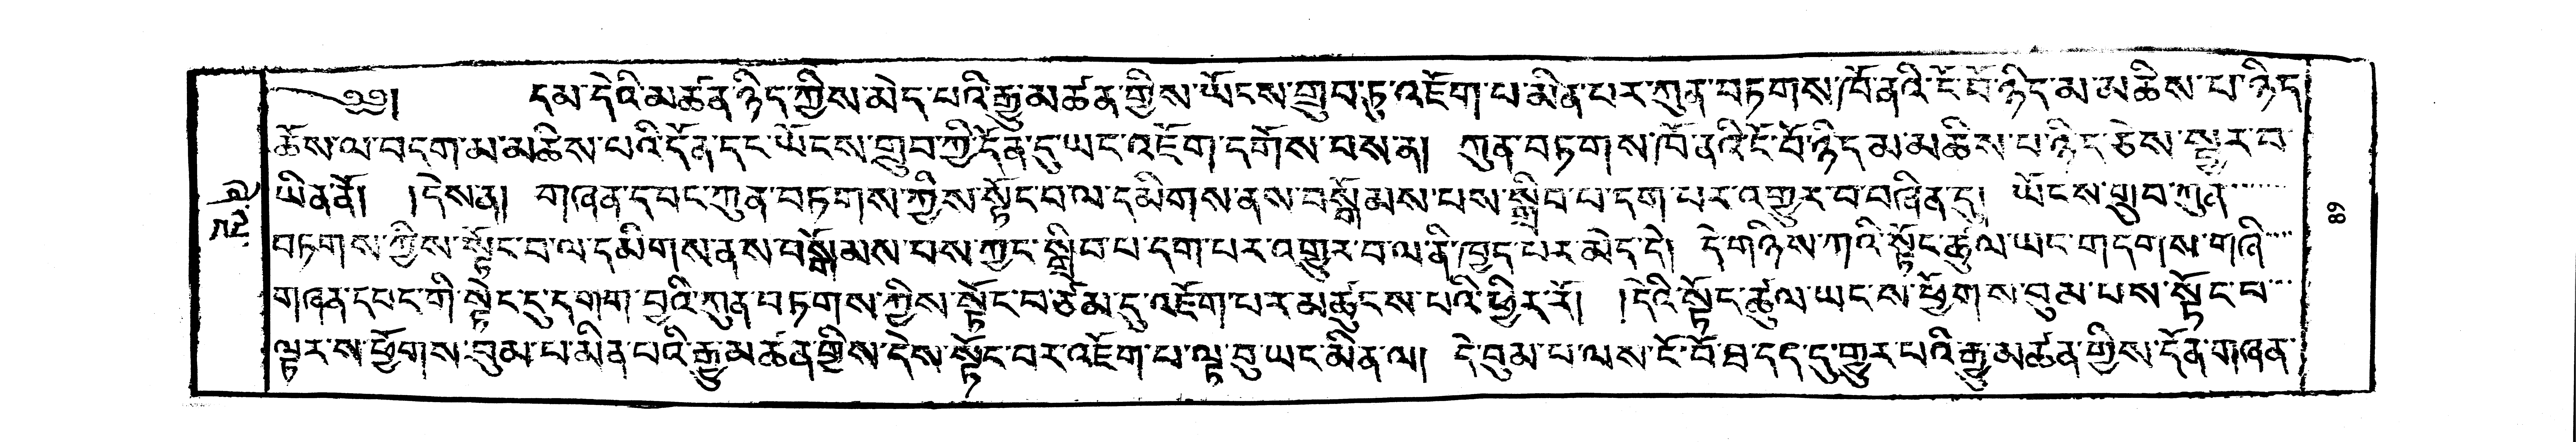༄༅། །དམ་དེའི་མཚན་ཉིད་ཀྱིས་མེད་པའི་རྒྱུ་མཚན་གྱིས་ཡོངས་གྲུབ་ཏུ་འཇོག་པ་མིན་པར་ཀུན་བཏགས་ཁོ་ནའི་ངོ་བོ་ཉིད་མ་མཆིས་པ་ཉིད་
ཆོས་ལ་བདག་མ་མཆིས་པའི་དོན་དང་ཡོངས་གྲུབ་ཀྱི་དོན་དུ་ཡང་འཇོག་དགོས་པས་ན། ཀུན་བཏགས་ཁོ་ནའི་ངོ་བོ་ཉིད་མ་མཆིས་པ་ཉིད་ཅེས་སྦྱར་བ་
ཡིན་ནོ། །དེས་ན། གཞན་དབང་ཀུན་བཏགས་ཀྱིས་སྟོང་པ་ལ་དམིགས་ནས་བསྒོམས་པས་སྒྲིབ་པ་དག་པར་འགྱུར་བ་བཞིན་དུ། ཡོངས་གྲུབ་ཀུན་
བཏགས་ཀྱིས་སྟོང་པ་ལ་དམིགས་ནས་བསྒོམས་པས་ཀྱང་སྒྲིབ་པ་དག་པར་འགྱུར་བ་ལ་ནི་ཁྱད་པར་མེད་དེ། དེ་གཉིས་ཀའི་སྟོང་ཚུལ་ཡང་གདགས་གཞི་
གཞན་དབང་གི་སྟེང་དུ་དགག་བྱའི་ཀུན་བཏགས་ཀྱིས་སྟོང་པ་ཙམ་དུ་འཇོག་པར་མཚུངས་པའི་ཕྱིར་རོ། །དེའི་སྟོང་ཚུལ་ཡང་ས་ཕྱོགས་བུམ་པས་སྟོང་པ་
ལྟར་ས་ཕྱོགས་བུམ་པ་མིན་པའི་རྒྱུ་མཚན་གྱིས་དེས་སྟོང་པར་འཇོག་པ་ལྟ་བུ་ཡང་མིན་ལ། དེ་བུམ་པ་ལས་ངོ་བོ་ཐ་དད་དུ་གྱུར་པའི་རྒྱུ་མཚན་གྱིས་དོན་གཞན་